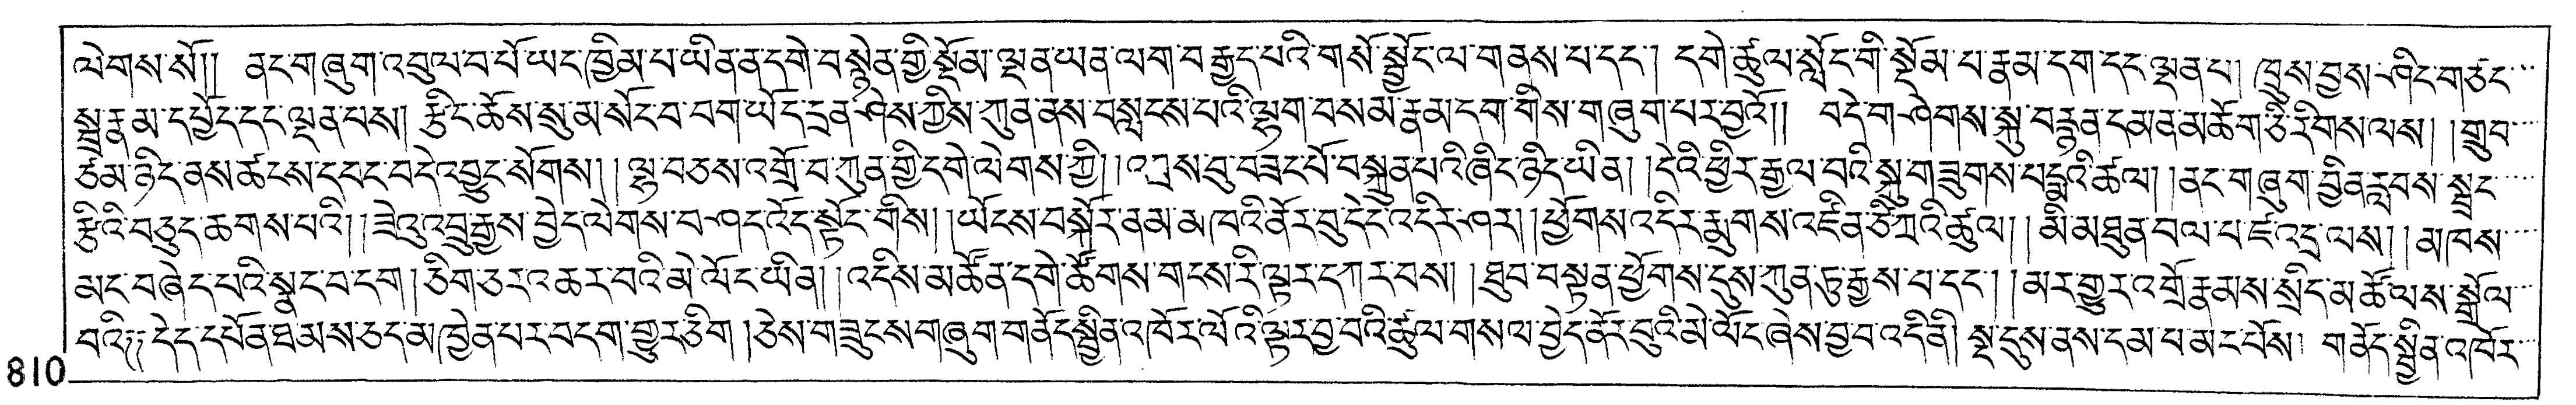ལེགས་སོ། །ནང་གཞུག་འབུལ་བ་པོ་ཡང་ཁྱིམ་པ་ཡིན་ན་དགེ་བསྙེན་གྱི་སྡོམ་ལྡན་ཡན་ལག་བརྒྱད་པའི་གསོ་སྦྱོང་ལ་གནས་པ་དང་། དགེ་ཚུལ་སློང་གི་སྡོམ་པ་རྣམ་དག་དང་ལྡན་པ། ཁྲུས་བྱས་ཤིང་གཙང་
སྦྲ་རྣམ་དཔྱོད་དང་ལྡན་པས། རྩིང་ཆོས་སུ་མ་སོང་བ་བག་ཡོད་དྲན་ཤེས་ཀྱིས་ཀུན་ནས་བསླངས་པའི་ལྷག་བསམ་རྣམ་དག་གིས་གཞུག་པར་བྱའོ། །བདེ་གཤེགས་སྐུ་བརྙན་དམན་མཆོག་ཅི་རིགས་ལས། །གྲུབ་
ཙམ་ཉིད་ནས་ཚངས་དབང་བདེ་འབྱུང་སོགས། །ལྷ་བཅས་འགྲོ་བ་ཀུན་གྱི་དགེ་ལེགས་ཀྱི། །འབྲས་བུ་བཟང་པོ་བསྐྲུན་པའི་ཞིང་ཉིད་ཡིན། །དེའི་ཕྱིར་རྒྱལ་བའི་སྐུ་གཟུགས་པདམའི་ཚལ། །ནང་གཞུག་བྱིན་རླབས་སྦྲང་
རྩིའི་བཅུད་ཆགས་པའི། །ཟེའུ་འབྲུ་རྒྱས་བྱེད་ལེགས་བཤད་འོད་སྟོང་གིས། །ཡོངས་བསྐོར་ནམ་མཁའི་ནོར་བུ་དེང་འདིར་ཤར། །ཕྱོགས་འདིར་རྨུགས་འཛིན་ཙི་ཀྲའི་ཚུལ། །མི་མཐུན་བལ་པ་ཛ་འདྲ་ལས། །མཁས་
མང་བཞེད་པའི་སྣང་བ་དག །ཅིག་ཅར་འཆར་བའི་མེ་ལོང་ཡིན། །འདིས་མཚོན་དགེ་ཚོགས་གངས་རི་ལྟར་དཀར་བས། །ཐུབ་བསྟན་ཕྱོགས་དུས་ཀུན་ཏུ་རྒྱས་པ་དང་། །མར་གྱུར་འགྲོ་རྣམས་སྲིད་མཚོ་ལས་སྒྲོལ་
བའི༑ ༑དེད་དཔོན་ཐམས་ཅད་མཁྱེན་པར་བདག་གྱུར་ཅིག །ཅེས་གཟུངས་གཞུག་གནོད་སྦྱིན་འཁོར་ལོའི་ལྟར་བྱ་བའི་ཚུལ་གསལ་བྱེད་ནོར་བུའི་མེ་ལོང་ཞེས་བྱ་བ་འདི་ནི། སྔ་དུས་ནས་དམ་པ་མང་པོས། གནོད་སྦྱིན་འཁོར་